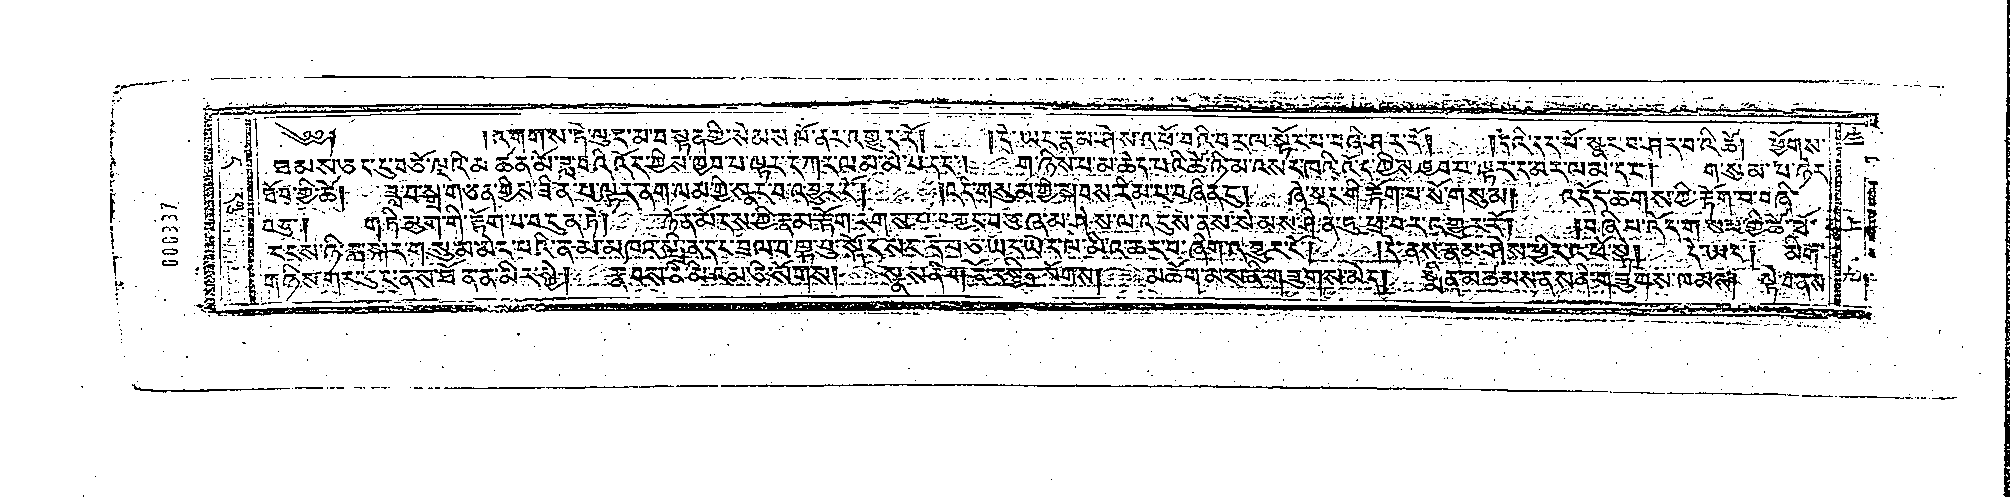༄༅། །འགགས་ཏེ་ལུད་མ་བསྟན་གྱི་སེམས་ཁོ་ནར་འགྱུར་རོ། །དེ་ཡང་རྣམ་ཤེས་འཕོ་བའི་བར་ལ་སྟོང་པ་བཞི་ཤར་རོ། །དེའི་དང་པོ་སྣང་བ་ཤར་བའི་ཚེ། ཕྱོགས་
ཐམས་ཅད་དུ་བཅོ་ལྔའི་མཚན་མོ་ཟླ་བའི་འོད་ཀྱིས་ཁྱབ་པ་ལྟར་དཀར་ལམ་མེ་པ་དང་། གཉིས་པ་མ་ཆེད་པའི་ཚེ་ཉི་མ་འཆར་ཁའི་འོད་ཀྱིས་ཁྱབ་པ་ལྟར་དམར་ལམ་དང་། གསུམ་པ་ཉེར་
ཐོབ་གྱི་ཚེ། ཟླ་བ་སྒྲ་གཅན་གྱིས་ཟིན་པ་ལྟར་ནག་ལམ་གྱི་སྣང་བ་འབྱུང་ངོ། །འདི་གསུམ་གྱི་སྐབས་རིམ་པ་བཞིན་དུ། ཞེ་སྡང་གི་རྟོག་པ་སོ་གསུམ། འདོད་ཆགས་ཀྱི་རྟོག་བ་བཞི་
བཅུ། གཏི་མུག་གི་རྟོག་པ་བདུན་ཏེ། ཉོན་མོངས་ཀྱི་རྣམ་རྟོག་རགས་པ་བརྒྱང་བཅུ་ཞ་མ་ཤེས་ལ་འདུས་ནས་སེམས་ཤིན་ཏུ་ཕྲ་བར་འགྱུར་རོ། །བཞི་པ་འོད་གསལ་གྱི་ཚེ་ཐོ་
རངས་ཉི་ཟླ་སྐར་གསུམ་མེད་པའི་ནམ་མཁའ་སྤྲིན་དང་བྲལ་བ་ལྟ་བུ་སྟོང་སང་དེ་པ་ཅི་ཡང་ཡིད་ལ་མི་འཆར་བ་ཞིག་འབྱུང་ངོ། །དེ་ནས་རྣམ་ཤེས་ཕྱིར་འཕོ་སྟེ། དེ་ཡང་། མིག་
གཉིས་གང་རུང་ནས་ཐོན་ན་མིར་སྐྱེ། རྣ་བས་ནི་མི་འམ་ཅི་སོགས། སྣས་ནི་གནོད་སྦྱིན་སོགས། མཆོག་མས་ནི་གཟུགས་མེད། སྨིན་མཚམས་ནས་ནི་གཟུགས་ཁམས། ལྟེ་བ་ནས་